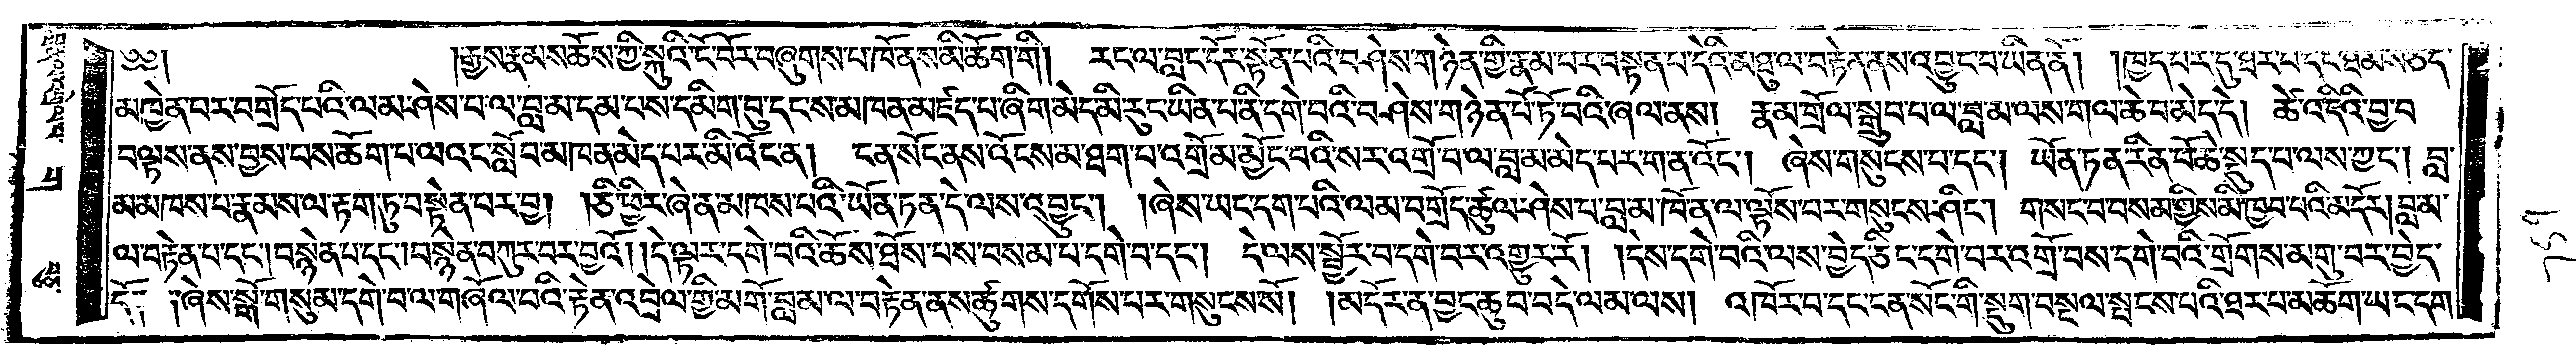༄༅། །རྒྱས་རྣམས་ཆོས་ཀྱི་སྐུའི་ངོ་བོར་བཞུགས་པ་ཁོ་ནས་མི་ཆོག་གི། རང་ལ་བླང་དོར་སྟོན་པའི་བཤེས་གཉེན་གྱི་རྣམ་པར་བསྟན་པ་དེའི་མཐུལ་བརྟེན་ནས་འབྱུང་བ་ཡིན་ནོ། །ཁྱད་པར་དུ་ཐར་པ་དང་ཐམས་ཅད་
མཁྱེན་པར་བགྲོད་པའི་ལམ་ཤེས་པ་ལ་བླ་མ་དམ་པས་དམིགས་བུ་དང་ས་མཁན་མཛད་པ་ཞིག་མེད་མི་རུང་ཡིན་པ་ནི་དགེ་བའི་བཤེས་གཉེན་པོ་ཏོ་བའི་ཞལ་ནས། རྣམ་གྲོལ་སྒྲུབ་པ་ལ་བླ་མ་ལས་གལ་ཆེ་བ་མེད་དེ། ཚེ་འདིའི་བྱ་བ་
བལྟས་ནས་བྱས་པས་ཆོག་པ་ལའང་སློབ་མཁན་མེད་པར་མི་འོང་ན། ངན་སོང་ནས་འོངས་མ་ཐག་པ་འགྲོ་མ་མྱོང་བའི་སར་འགྲོ་བ་ལ་བླ་མ་མེད་པར་གན་འོང་། ཞེས་གསུངས་པ་དང་། ཡོན་ཏན་རིན་པོ་ཆེ་སྡུད་པ་ལས་ཀྱང་། བླ་
མ་མཁས་པ་རྣམས་ལ་རྟག་ཏུ་བསྟེན་པར་བྱ། །ཅི་ཕྱིར་ཞེ་ན་མཁས་པའི་ཡོན་ཏན་དེ་ལས་འབྱུང་། །ཞེས་ཡང་དག་པའི་ལམ་བགྲོད་ཚུལ་ཤེས་པ་བླ་མ་ཁོ་ན་ལ་ལྟོས་བར་གསུངས་ཤིང་། གསང་བ་བསམ་གྱིས་མི་ཁྱབ་པའི་མདོར། བླ་མ་
ལ་བརྟེན་པ་དང་། བསྙེན་པ་དང་། བསྙེན་བཀུར་བར་བྱའོ། །དེ་ལྟར་དགེ་བའི་ཆོས་ཐོས་པས་བསམ་པ་དགེ་བ་དང་། དེ་ལས་སྦྱོར་བ་དགེ་བར་འགྱུར་རོ། །དེས་དགེ་བའི་ལས་བྱེད་ཅིང་དགེ་བར་འགྲོ་བས་དགེ་བའི་གྲོགས་མགུ་བར་བྱེད་
དོ༑ ༑ཞེས་སྒོ་གསུམ་དགེ་བ་ལ་གཞོལ་བའི་རྟེན་འབྲེལ་གྱི་མགོ་བླ་མ་ལ་བརྟེན་ནས་ཚུགས་དགོས་པར་གསུངས་སོ། །མདོར་ན་བྱང་ཆུབ་བདེ་ལམ་ལས། འཁོར་བ་དང་ངན་སོང་གི་སྡུག་བསྔལ་སྤངས་པའི་ཐར་པ་མཆོག་ཡང་དག་